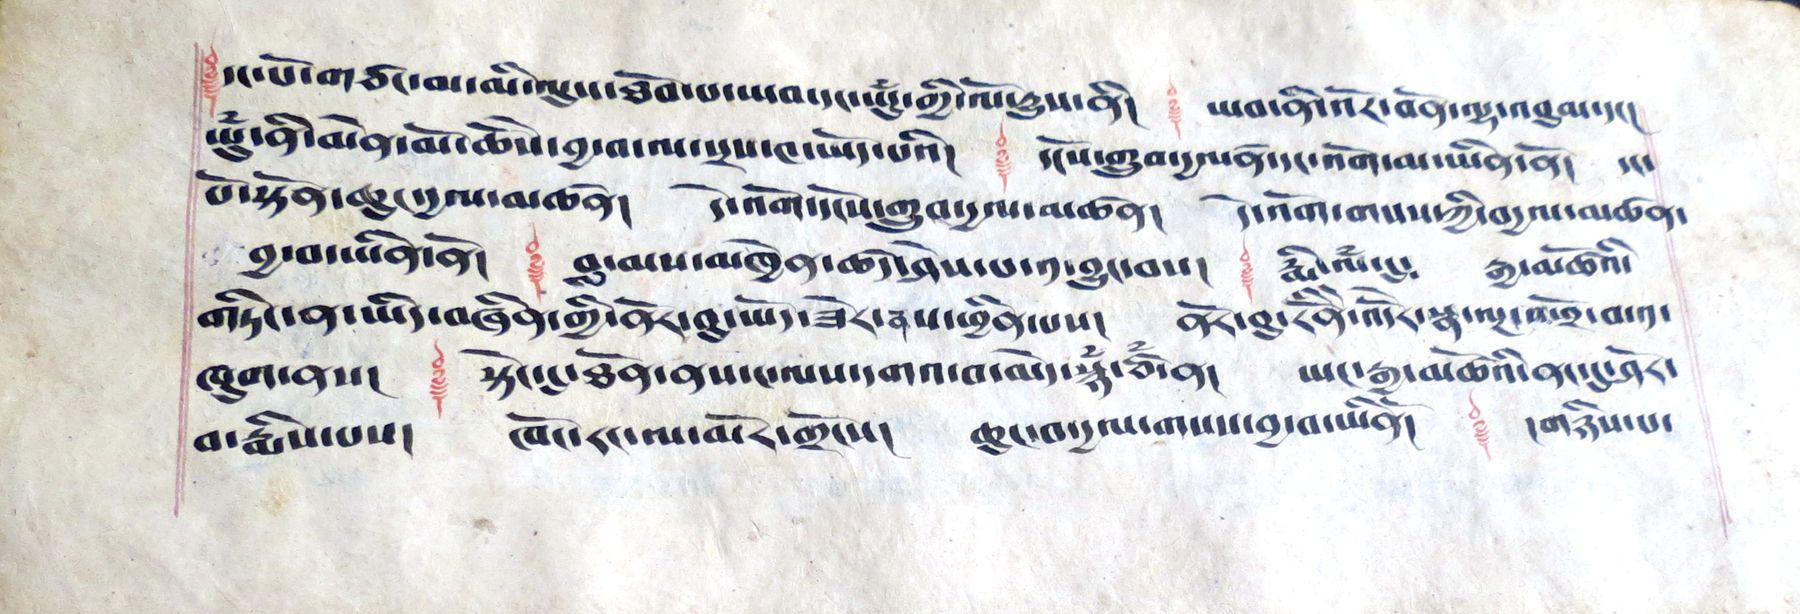དང་པོ་གཙང་མ་མི་ལུས་ཐོབ་པ་ཡབ་དང་ཡུམ་གྱི་ལོ་རྒྱུས་ནི། ཡབ་ནི་འོར་བོན་ལྷ་འབུམ་དང་། 
ཡུམ་ནི་མེན་མོ་ཆོས་སེ་བྱ་བ་ལ་སྲས་བཞི་ཡོད་པའི། དངོས་གྲུབ་རྒྱལ་མཚན་དང་འོག་མ་ཡིན་ནོ། ། དང་
པོ་སྟོན་ཆུང་རྒྱལ་མཚན། དེ་འོག་དངོས་གྲུབ་རྒྱལ་མཚན། དེ་འོག་གསས་ཀྱི་རྒྱལ་མཚན་
བྱ་བ་ཡིན་ནོ། ། བླ་མས་མཁྱེན་ཚད་ཤེས་པ་ཞིག་བྱུང་པས། རྨི་ལམ་དུ། རྒྱ་མཚོའི་
གཏིང་ན་ཡིད་བཞིན་གྱི་ནོར་བུ་ཡོད་ཟེར་ནས་ཕྱིན་པས། ནོར་བུ་རིན་པོ་ཆེ་འོད་ཟེར་སྣ་ལྔ་འཕྲོ་བ་ཞིག་
ཁུགས་ནས། སྟེང་དུ་ཐོན་ནས་ང་ལས་དགའ་བ་མེད་སྙམ་ཙམ་ན། ཡང་རྒྱ་མཚོའི་ནང་དུ་ཤོར་
བ་རྨིས་པས། ཁོང་རང་ལ་མོར་གྲོངས། ཆུང་བ་རྒྱལ་གསས་བྱ་བ་ཡིན་ནོ། ། གཉིས་པ་